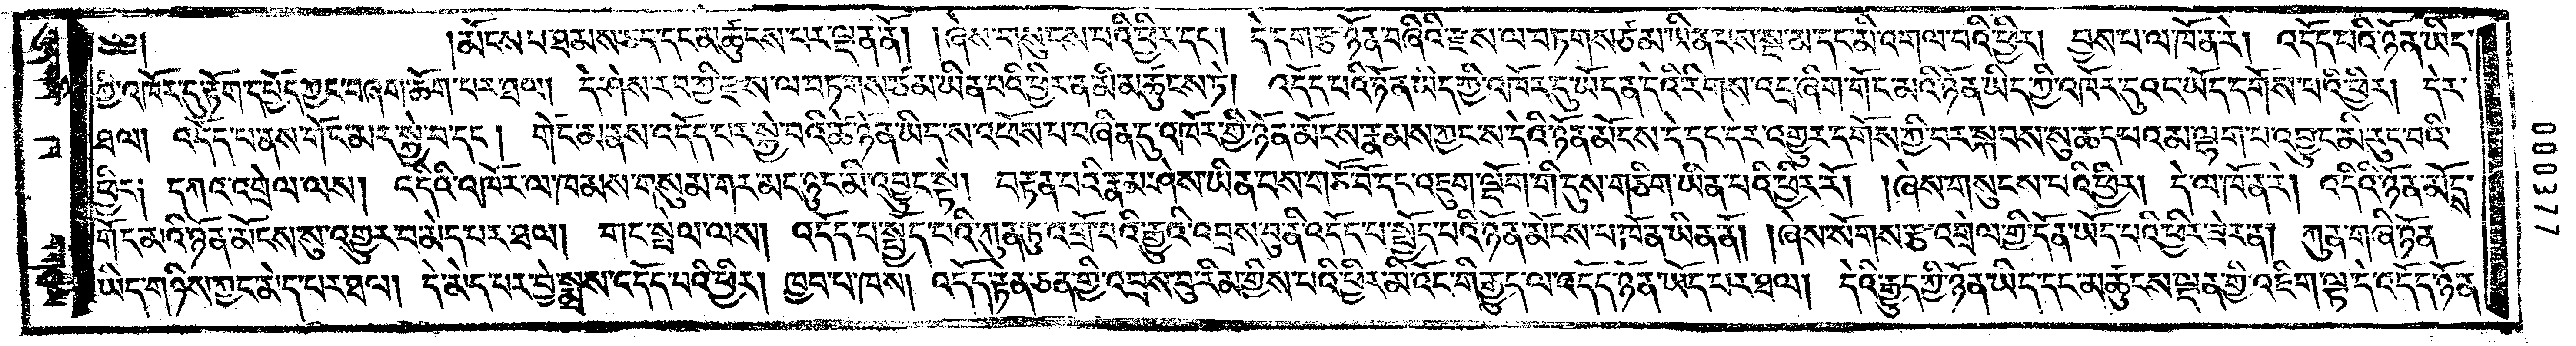༄༅། །མོངས་པ་ཐམས་ཅད་དང་མཚུངས་པར་ལྡན་ནོ། །ཞེས་གསུངས་པའི་ཕྱིར་དང་། དེ་དག་རྩ་ཉོན་བཞིའི་རྫས་ལ་བཏགས་ཙམ་ཡིན་པས་སྔ་མ་དང་མི་འགལ་བའི་ཕྱིར། བྱས་པ་ལ་ཁོ་ན་རེ། འདོད་པའི་ཉོན་ཡིད་
ཀྱི་འཁོར་དུ་རྟོག་དཔྱོད་ཀྱང་བཞག་ཆོག་པར་ཐལ། དེ་ཤེས་རབ་ཀྱི་རྫས་ལ་བཏགས་ཙམ་ཡིན་པའི་ཕྱིར་ན་མི་མཚུངས་ཏེ། འདོད་པའི་ཉོན་ཡིད་ཀྱི་འཁོར་དུ་ཡོད་ན་དེའི་རིགས་འདྲ་ཞིག་གོང་མའི་ཉོན་ཡིད་ཀྱི་འཁོར་དུའང་ཡོད་དགོས་པའི་ཕྱིར། དེར་
ཐལ། འདོད་པ་ནས་གོང་མར་སྐྱེ་བ་དང་། གོང་མ་ནས་འདོད་པར་སྐྱེ་བའི་ཚེ་ཉོན་ཡིད་ས་འཕོས་པ་བཞིན་དུ་འཁོར་གྱི་ཉོན་མོངས་རྣམས་ཀྱང་ས་དེའི་ཉོན་མོངས་དེ་དང་དེར་འགྱུར་དགོས་ཀྱི་བར་སྐབས་སུ་ཆད་པའམ་ལྷག་པ་འབྱུང་མི་རུང་བའི་
ཕྱིར། དཀའ་འགྲེལ་ལས། འདིའི་འཁོར་ལ་ཁམས་གསུམ་གར་མང་ཉུང་མི་འབྱུང་སྟེ། བརྟན་པའི་རྣམ་ཤེས་ཡིན་པས་གཙོ་བོ་དང་འཇུག་ལྡེག་གི་དུས་གཅིག་ཡིན་པའི་ཕྱིར་རོ། །ཞེས་གསུངས་པའི་ཕྱིར། དེ་ལ་ཁོ་ན་རེ། འདིའི་ཉོན་མོངས་
གོང་མའི་ཉོན་མོངས་སུ་འགྱུར་བ་མེད་པར་ཐལ། གང་སྤེལ་ལས། འདོད་པ་སྤྱོད་པའི་ཀུན་ཏུ་འགྲོ་བའི་རྒྱུའི་འབྲས་བུ་ནི་འདོད་པ་སྤྱོད་པའི་ཉོན་མོངས་པ་ཁོ་ན་ཡིན་ནོ། །ཞེས་སོགས་རྩ་འགྲེལ་གྱི་དོན་ཡོད་པའི་ཕྱིར་ཟེར་ན། ཀུན་གཞི་ཉོན་
ཡིད་གཉིས་ཀྱང་མེད་པར་ཐལ། དེ་མེད་པར་བྱེ་སྨྲས་འདོད་པའི་ཕྱིར། ཁྱབ་པ་ཁས། འདོད་རྟེན་ཅན་གྱི་འབྲས་བུ་རིམ་གྱིས་པའི་ཕྱིར་མི་འོང་གི་རྒྱུད་ལ་འདོད་ཉོན་ཡོད་པར་ཐལ། དེའི་རྒྱུད་ཀྱི་ཉོན་ཡིད་དང་མཚུངས་ལྡན་གྱི་འཇིག་ལྟ་དེ་འདོད་ཉོན་